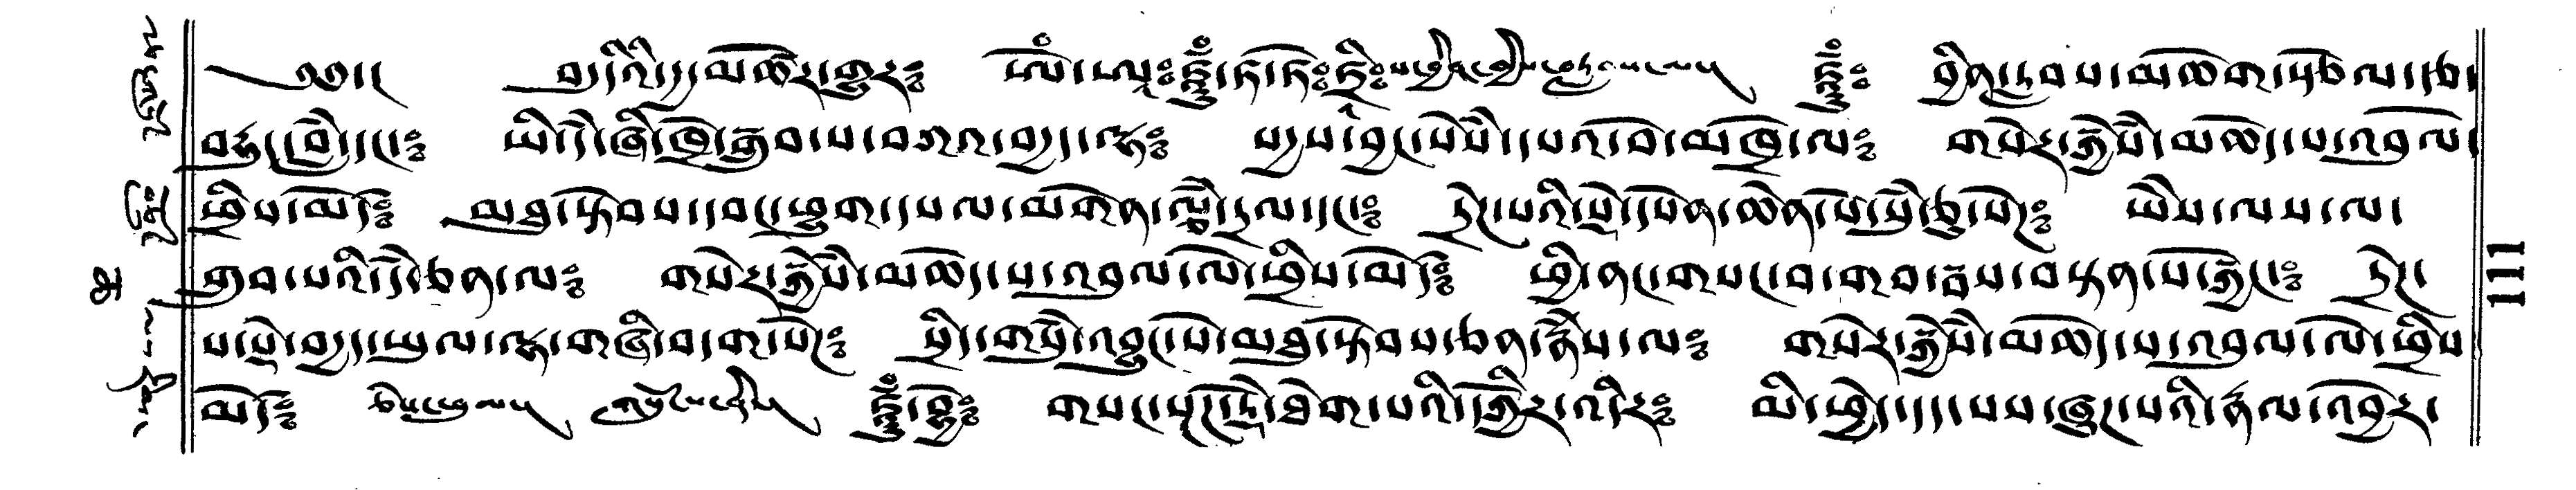བདུད་རྩིའི་རྒྱ་མཚོར་གྱུར༔ ཨོཾ་ཨཱཿཧཱུྃ་ཧ་ཧོ་ཧྲཱིཿ ས་བྱིན་གྱིས་བརླབས་ལ། ཧཱུྃ༔ བྱིན་རླབས་མཆོག་སྩོལ་རྩ་
བརྒྱུད་བླ་མ་དང༔ ཡི་དམ་ཞི་ཁྲོ་སྒྲུབ་པ་བཀའ་བརྒྱད་ལྷ༔ སངས་རྒྱས་བྱང་སེམས་དཔའ་བོ་མཁའ་འགྲོ་ལ༔ གསེར་སྐྱེམས་མཆོད་པ་འབུལ་ལོ་
ཕྲིན་ལས་མཛོད༔ མཐུ་སྟོབས་དབང་ཕྱུག་དཔལ་མགོན་ལྕམ་དྲལ་དང༔ དྲེགས་པའི་སྡེ་དཔོན་ཆེན་པོ་སུམ་ཅུ་སོགས༔ ཡེ་ཤེས་ལས་ལས་
གྲུབ་པའི་དམ་ཅན་ལ༔ གསེར་སྐྱེམས་མཆོད་པ་འབུལ་ལོ་ཕྲིན་ལས་མཛོད༔ ཕྱི་ནང་གསང་བ་གབ་སྦས་བསྟན་པ་སྐྱོང༔ དྲེགས་
པ་སྡེ་བརྒྱད་ཡུལ་ལྷ་གཞི་བདག་སོགས༔ སྲིད་གསུམ་འབྱུང་པོ་མཐུ་སྟོབས་ཅན་རྣམས་ལ༔ གསེར་སྐྱེམས་མཆོད་པ་འབུལ་ལོ་ཕྲིན
མེད༔ ཅེས་ཕུལ། གསུམ་པ་ནི། ཧཱུྃ་བྷྱོཿ གསང་སྔགས་རྡོ་རྗེ་ཐེག་པའི་དཀྱིལ་འཁོར་འདིར༔ མི་ཕྱེད་དད་པས་ཞུགས་པའི་རྣལ་འབྱོར་